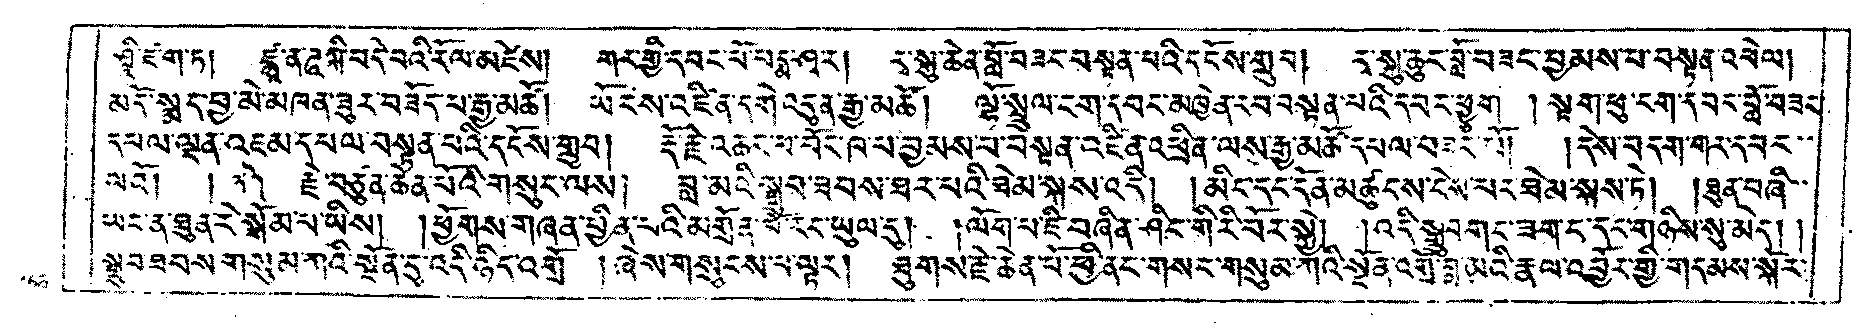ཤྲཱི་ཛ་ག་ཏ། ཛྙཱ་ན་ཌཱ་ཀྐི་བདེ་བའི་རོལ་མཛེས། གར་གྱི་དབང་པོ་པདམ་ཤྭ་ར། རྭ་སྐུ་ཆེན་བློ་བཟང་བསྟན་པའི་དངོས་གྲུབ། རྭ་སྐུ་ཆུང་བློ་བཟང་བྱམས་པ་བསྟན་འཕེལ།
མདོ་སྨད་བྱ་མེ་མཁན་ཟུར་བཟོད་པ་རྒྱ་མཚོ། ཡོངས་འཛིན་དགེ་འདུན་རྒྱ་མཚོ། ལྷོ་སྤྲུལ་ངག་དབང་མཁྱེན་རབ་བསྟན་པའི་དབང་ཕྱུག །སྟག་ཕུ་ངག་དབང་བློ་བཟང་
དཔལ་ལྡན་འཇམ་དཔལ་བསྟན་པའི་དངོས་གྲུབ། རྡོ་རྗེ་འཆང་ཕ་བོང་ཁ་པ་བྱམས་པ་བསྟན་འཛིན་འཕྲིན་ལས་རྒྱ་མཚོ་དཔལ་བཟང་པོ། །དེས་བདག་གར་དབང་
ལའོ། །༢?་རྗེ་བཙུན་ཆེན་པོའི་གསུང་ལས། བླ་མའི་སྒྲུབ་ཐབས་ཐར་པའི་ཐེམ་སྐས་འདི། །མིང་དང་དོན་མཚུངས་ངེས་པར་ཐེམ་སྐས་ཏེ། །ཐུན་བཞི་
ཡང་ན་ཐུན་རེ་སྒོམ་པ་ཡིས། །ཕྱོགས་གཞན་ཕྱིན་པའི་མགྲོན་པོ་རང་ཡུལ་དུ། །ལོག་པ་ཇི་བཞིན་ཤིང་གི་རི་བོར་སྐྱེ། །འདི་སྒྲུབ་གང་ཟག་ང་དང་གཉིས་སུ་མེད། །
སྒྲུབ་ཐབས་གསུམ་ཀའི་སྔོན་དུ་འདི་ཉིད་འགྲོ་།ཞེས་གསུངས་པ་ལྟར། ཐུགས་རྗེ་ཆེན་པོ་ཕྱི་ནང་གསང་གསུམ་ཀའི་སྔོན་འགྲོ་བླ་མའི་རྣལ་འབྱོར་གྱི་གདམས་སྐོར་